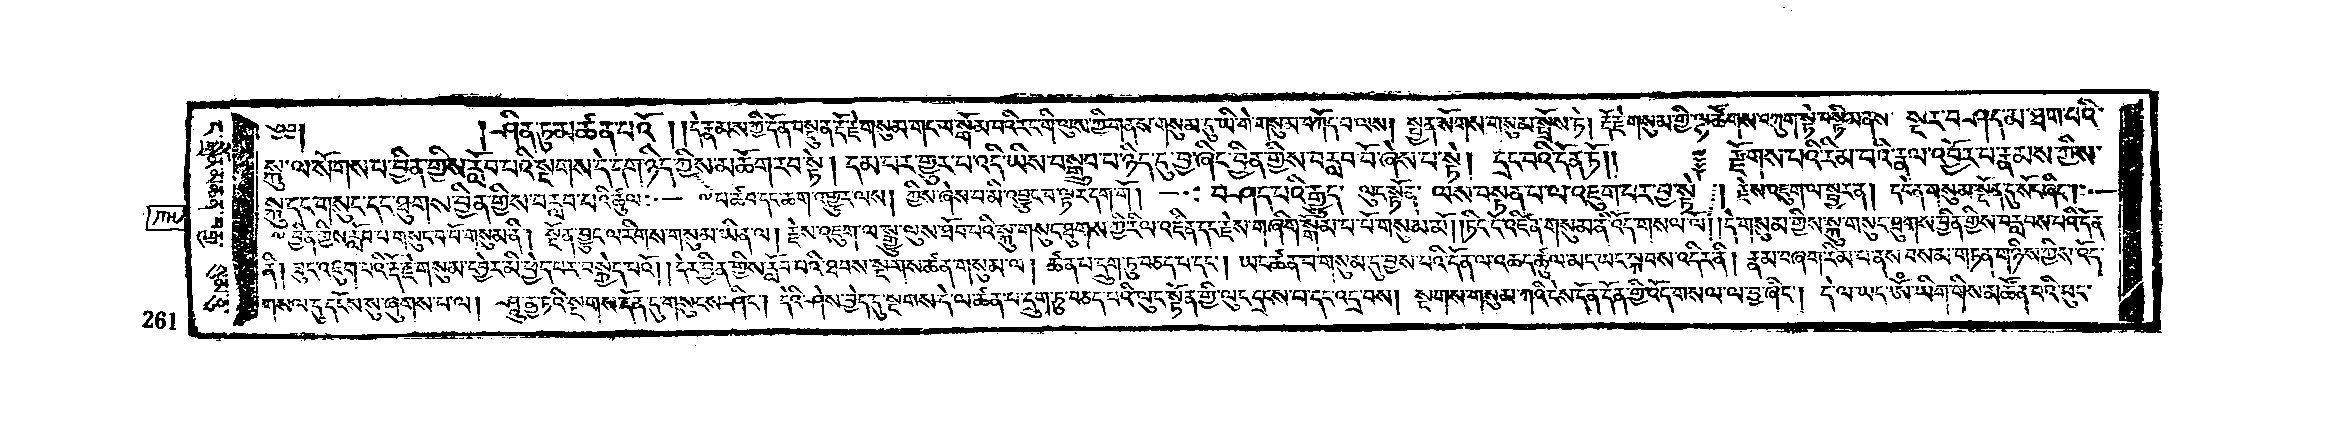༄༅། །ཤིན་ཏུ་མཚན་པའོ། །དེ་རྣམས་ཀྱི་དོན་བསྡུ་ན་རྡོ་རྗེ་གསུམ་གང་ལ་སྒོམ་པའི་རང་གི་ལུས་ཀྱི་གནས་གསུམ་དུ་ཡི་གེ་གསུམ་བཀོད་པ་ལས། སྤྱན་སོགས་གསུམ་སྤྲོས་ཏེ། རྡོ་རྗེ་གསུམ་གྱི་ལྷ་ཚོགས་བཀུག་སྟེ་བསྟིམ་ནས་སྔར་བཤད་མ་ཐག་པའི་
སྐུ་ལ་སོགས་པ་བྱིན་གྱིས་རློབ་པའི་སྔགས་དེ་དག་ཉིད་ཀྱིས་མཆོག་རབ་སྟེ། དམ་པར་གྱུར་པ་འདི་ཡིས་བསྒྲུབ་པ་ཉིད་དུ་བྱ་ཞིང་བྱིན་གྱིས་བརླབ་བོ་ཞེས་པ་སྟེ། དྲང་བའི་དོན་ཏོ།། ༈ རྫོགས་པའི་རིམ་པའི་རྣལ་འབྱོར་པ་རྣམས་ཀྱིས་
སྐུ་དང་གསུང་དང་ཐུགས་བྱིན་གྱིས་བརླབ་པའི་ཚུལ་H.་༧་པ་ཚབ་དང་ཆག་འགྱུར་ལས། ཀྱིས་ཞེས་པ་མི་འབྱུང་བ་ལྟར་དག་གོ །  བཤད་པའི་རྒྱུད་ལུང་སྟོན་ལས་བསྟན་པ་ལ་འཇུག་པར་བྱ་སྟེ། རྗེས་འཇུག་ལ་སྦྱར་ན། དབེན་གསུམ་སྔོན་དུ་སོང་ཞིང་།
༧་བྱིན་གྱིས་རློབ་པ་གསུང་བ་པོ་གསུམ་ནི། སྔོན་བྱུང་ལ་རིགས་གསུམ་ཡིན་ལ། རྗེས་འཇུག་ལ་སྒྱུ་ལུས་ཐོབ་པའི་སྐུ་གསུང་ཐུགས་ཀྱི་རིལ་འཛིན་དང་རྗེས་གཞིག་སྒོམ་པ་པོ་གསུམ་མོ། །ཏིང་ངེ་འཛིན་གསུམ་ནི་འོད་གསལ་ལོ། །དེ་གསུམ་གྱིས་སྐུ་གསུང་ཐུགས་བྱིན་གྱིས་བརླབས་པའི་དོན
ནི། ཟུང་འཇུག་པའི་རྡོ་རྗེ་གསུམ་དབྱེར་མི་ཕྱེད་པར་བསྐྱེད་པའོ། །དེར་བྱིན་གྱིས་རློབ་པའི་ཐབས་སྔགས་ཚན་གསུམ་ལ། ཚན་པ་དྲུག་ཏུ་བཅད་པ་དང་། ཡང་ཚན་པ་གསུམ་དུ་བྱས་པའི་དོན་ལ་འཆད་ཚུལ་མང་ཡང་སྐབས་འདིར་ནི། རྣམ་བཞག་རིམ་པ་ནས་བསམ་གཏན་གཉིས་ཀྱིས་འོད་
གསལ་དུ་དངོས་སུ་ཞུགས་པ་ལ། ཤཱུ་ནྱ་ཏའི་སྔགས་དོན་དུ་གསུངས་ཤིང་། དེའི་ཤེས་བྱེད་དུ་སྔགས་དེ་ལ་ཚན་པ་དྲུག་ཏུ་བཅད་པའི་ལུང་སྟོན་གྱི་ལུང་དྲངས་པ་དང་འདྲ་བས། སྔགས་གསུམ་ཀའི་ངེས་དོན་དོན་གྱི་འོད་གསལ་ལ་བྱ་ཞིང་། དེ་ལ་ཡང་ཨོཾ་ཡིག་གིས་མཚོན་པའི་ཕུང་